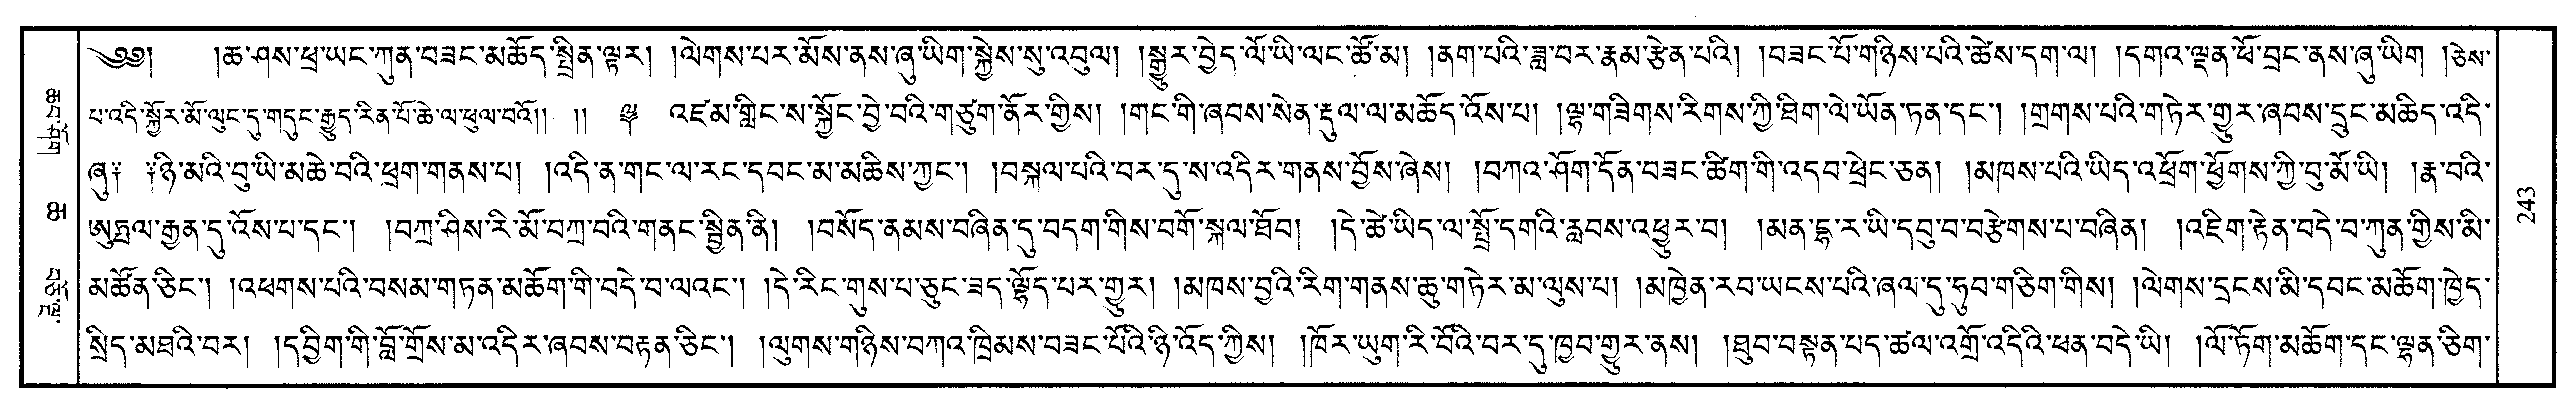༄༅། །ཆ་ཤས་ཕྲ་ཡང་ཀུན་བཟང་མཆོད་སྤྲིན་ལྟར། །ལེགས་པར་མོས་ནས་ཞུ་ཡིག་སྐྱེས་སུ་འབུལ། །སྒྱུར་བྱེད་ལོ་ཡི་ལང་ཚོ་མ། །ནག་པའི་ཟླ་བར་རྣམ་རྩེན་པའི། །བཟང་པོ་གཉིས་པའི་ཚེས་དག་ལ། །དགའ་ལྡན་ཕོ་བྲང་ནས་ཞུ་ཡིག །ཅེས་
པ་འདི་སྐྱོར་མོ་ལུང་དུ་གདུང་རྒྱུད་རིན་པོ་ཆེ་ལ་ཕུལ་བའོ།། །། ༈ འཛམ་གླིང་ས་སྐྱོང་བྱེ་བའི་གཙུག་ནོར་གྱིས། །གང་གི་ཞབས་སེན་རྡུལ་ལ་མཆོད་འོས་པ། །ལྷ་གཟིགས་རིགས་ཀྱི་ཐིག་ལེ་ཡོན་ཏན་དང་། །གྲགས་པའི་གཏེར་གྱུར་ཞབས་དྲུང་མཆིད་འདི་
ཞུ༑ ༑ཉི་མའི་བུ་ཡི་མཆེ་བའི་ཕྲག་གནས་པ། །འདི་ན་གང་ལ་རང་དབང་མ་མཆིས་ཀྱང་། །བསྐལ་པའི་བར་དུ་ས་འདིར་གནས་བྱོས་ཞེས། །བཀའ་ཤོག་དོན་བཟང་ཚིག་གི་འདབ་ཕྲེང་ཅན། །མཁས་པའི་ཡིད་འཕྲོག་ཕྱོགས་ཀྱི་བུ་མོ་ཡི། །རྣ་བའི་
ཨུཏྤལ་རྒྱན་དུ་འོས་པ་དང་། །བཀྲ་ཤིས་རི་མོ་བཀྲ་བའི་གནང་སྦྱིན་ནི། །བསོད་ནམས་བཞིན་དུ་བདག་གིས་བགོ་སྐལ་ཐོབ། །དེ་ཚེ་ཡིད་ལ་སྤྲོ་དགའི་རླབས་འཕྱུར་བ། །མན་དྷ་ར་ཡི་དབུ་བ་བརྩེགས་པ་བཞིན། །འཇིག་རྟེན་བདེ་བ་ཀུན་གྱིས་མི་
མཚོན་ཅིང་། །འཕགས་པའི་བསམ་གཏན་མཆོག་གི་བདེ་བ་ལའང་། །དེ་རིང་གུས་པ་ཅུང་ཟད་ལྷོད་པར་གྱུར། །མཁས་བྱའི་རིག་གནས་ཆུ་གཏེར་མ་ལུས་པ། །མཁྱེན་རབ་ཡངས་པའི་ཞལ་དུ་ཧུབ་གཅིག་གིས། །ལེགས་དྲངས་མི་དབང་མཆོག་ཁྱེད་
སྲིད་མཐའི་བར། །དབྱིག་གི་བློ་གྲོས་མ་འདིར་ཞབས་བརྟན་ཅིང་། །ལུགས་གཉིས་བཀའ་ཁྲིམས་བཟང་པོའི་ཉི་འོད་ཀྱིས། །ཁོར་ཡུག་རི་བོའི་བར་དུ་ཁྱབ་གྱུར་ནས། །ཐུབ་བསྟན་པད་ཚལ་འགྲོ་འདིའི་ཕན་བདེ་ཡི། །ལོ་ཏོག་མཆོག་དང་ལྷན་ཅིག་